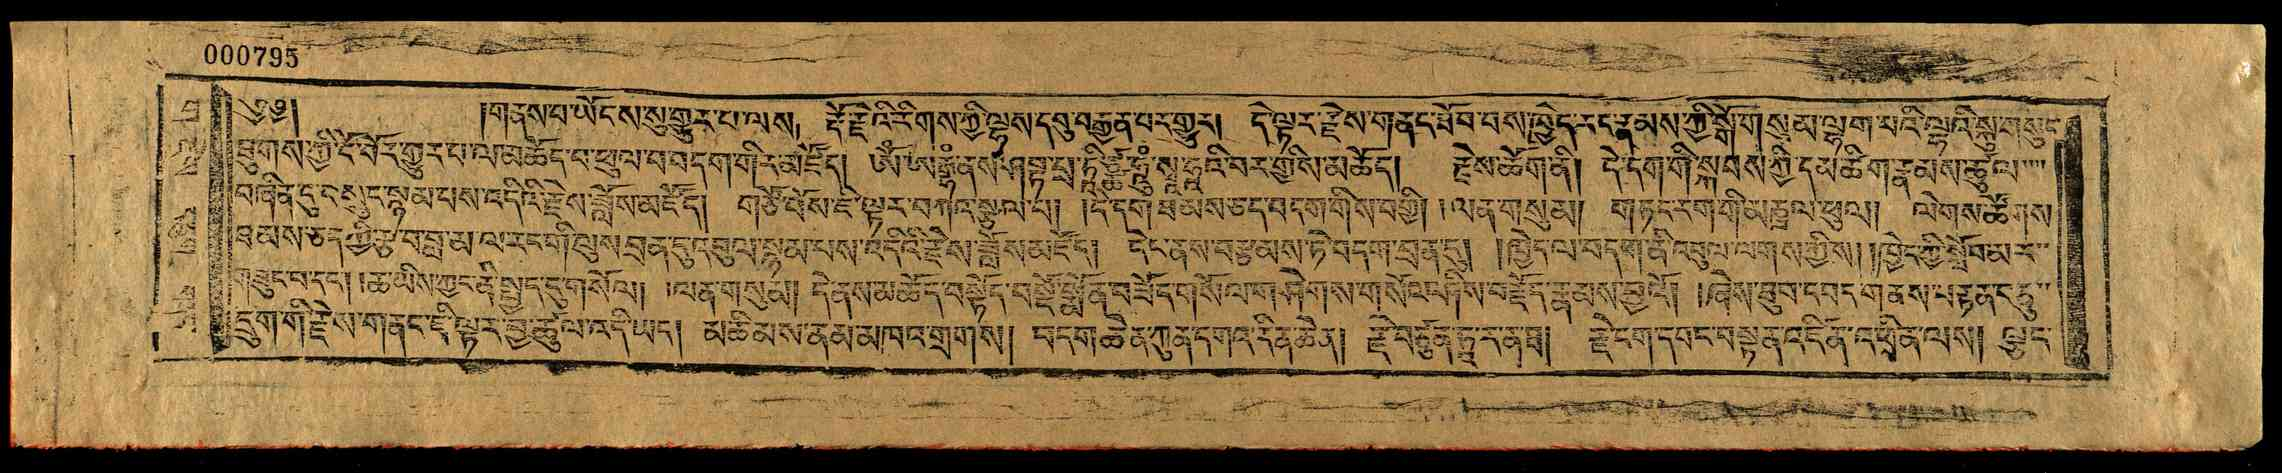༄༅། །གནས་པ་ཡོངས་སུ་གྱུར་པ་ལས། རྡོ་རྗེའི་རིགས་ཀྱི་ལྷས་དབུ་བརྒྱན་པར་གྱུར། དེ་ལྟར་རྗེས་གནང་ཐོབ་པས་ཁྱེད་རང་རྣམས་ཀྱི་སྒོ་གསུམ་ལྷག་པའི་ལྷའི་སྐུ་གསུང་
ཐུགས་ཀྱི་ངོ་བོར་གྱུར་པ་ལ་མཆོད་པ་ཕུལ་བ་བདག་གིར་མཛོད། ཨོཾ་ཨརྒྷཾ་ནས་ཤཔྟ་པྲ་ཏཱི་ཙྪ་ཧཱུཾ་སྭཱ་ཧཱའི་བར་གྱིས་མཆོད། རྗེས་ཆོག་ནི། དེ་དག་གི་སྐབས་ཀྱི་དམ་ཚིག་རྣམས་ཚུལ་
བཞིན་དུ་བསྲུང་སྙམ་པས་འདིའི་རྗེས་ཟློས་མཛོད། གཙོ་བོས་ཇི་ལྟར་བཀའ་སྩལ་པ། །དེ་དག་ཐམས་ཅད་བདག་གིས་བགྱི། །ལེན་གསུམ། གཏང་རག་གི་མཎྜལ་ཕུལ། ལེགས་ཚོགས་
ཐམས་ཅད་ཀྱི་རྩ་བ་བླ་མ་ལ་རང་གི་ལུས་བྲན་དུ་འབུལ་སྙམ་པས་འདིའི་རྗེས་ཟློས་མཛོད། དེང་ནས་བརྩམས་ཏེ་བདག་བྲན་དུ། །ཁྱེད་ལ་བདག་ནི་འབུལ་ལགས་ཀྱིས། །ཁྱེད་ཀྱི་སློབ་མར་གཟུང་བ་དང་། །ཆ་ཡིས་ཀྱང་ནི་སྤྱད་དུ་གསོལ། །ལན་གསུམ། དེ་ནས་མཆོད་བསྟོད་བསྔོ་སྨོན་བཟོད་གསོལ་གཤེགས་གསོལ་ཤིས་བརྗོད་རྣམས་བྱའོ། །ཞེས་ཐུབ་དབང་གནས་བརྟན་བཅུ་
དྲུག་གི་རྗེས་གནང་ཇི་ལྟར་བྱ་ཚུལ་འདི་ཡང་། མཚམས་ནམ་མཁའ་གྲགས། བདག་ཆེན་ཀུན་དགའ་རིན་ཆེན། རྗེ་བཙུན་ཏཱ་ར་ནཱ་ཐ། རྗེ་ངག་དབང་བསྟན་འཛིན་འཕྲིན་ལས། ལྕང་